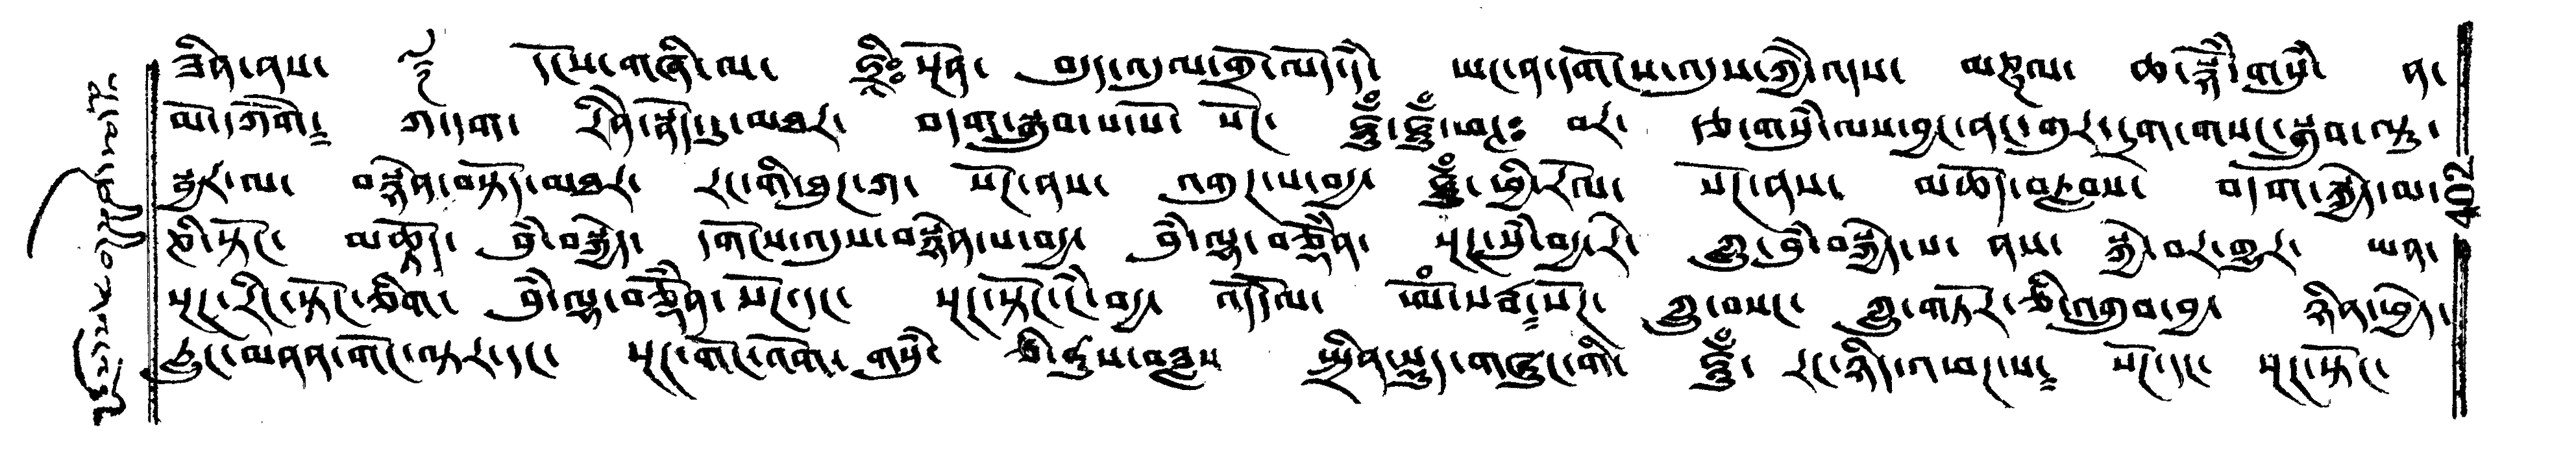ཟིན་ནས། ༈ དངོས་གཞི་ལ། ཧྲཱིཿསྔོན༴ བདུད་འདུལ་གྲོ་ལོད་དམ། ཡང་ན་དགོངས་འདུས་ཀྱཻ་འདས། མཎྜལ། ཆ་སྙོམས་གསུམ། ན་
མོ༔དཀོན་མཆོག༴ ཀ་དག༴ རིན་ཆེན་སྣོད་དུ༴ མཐར། བདག་སྒྲུབ་པ་པོ༴ སོགས། ཧཱུྃ་ཧཱུྃ་ཕཊཿ བར། རྩ་གསུམ་ལས་བྱང་ནང་གུར་དྲག་གསང་སྒྲུབ་ལྟ་བུ་
སྦྱར་ལ། བསྙེན་བསྟོད་མཐར། རང་གི་ཐུགས་ཀ༴ སོགས་ནས། འགུགས་པ་བརྒྱ། ཧཱུྃ། ཕྱི་རོལ༴ སོགས་ནས། མཆོད་རླབ། བདག་སྐྱེད་མ་
ཎི་སྟོང་། མཆོད་བསྟོད། བུམ་བསྐྱེད། དགོངས་འདུས་བསྙེན་པ་བརྒྱ། བུམ་ལྷ་བཅོམ་ལྡན༴ སྔགས་སུམ་བརྒྱ་རེ། ཀླུ་བུམ་བསྐྱེད་པ་ནས། སྐྱེ་བར་གྱུར༴ ཡན་
སྔགས་རིང་སྟོང་ཅིག བུམ་ལྷ་བཅོམ་ལྡན༴ སོགས་དང་། སྔགས་སྟོང་ངམ་བརྒྱ། འདོད་གསོལ། ཨོཾ་སརྦ༴ སོགས། ཀླུ་བསང་ཀླུ་གཏོར་ཅི་འགྲུབ་བྱ།ཉིན་ཕྱེད་
རླུང་མནན་གོང་ལྟར་དང་། སྔགས་གོང་འོག་གསུམ། ཅི་ནུས་བཟླས། སྤྲིན་སྡུད་གཞུང་གི ཧཱུྃ། རང་ཉིད་འཕགས་པ༴ སོགས་དང་། སྔགས་སྟོང་།